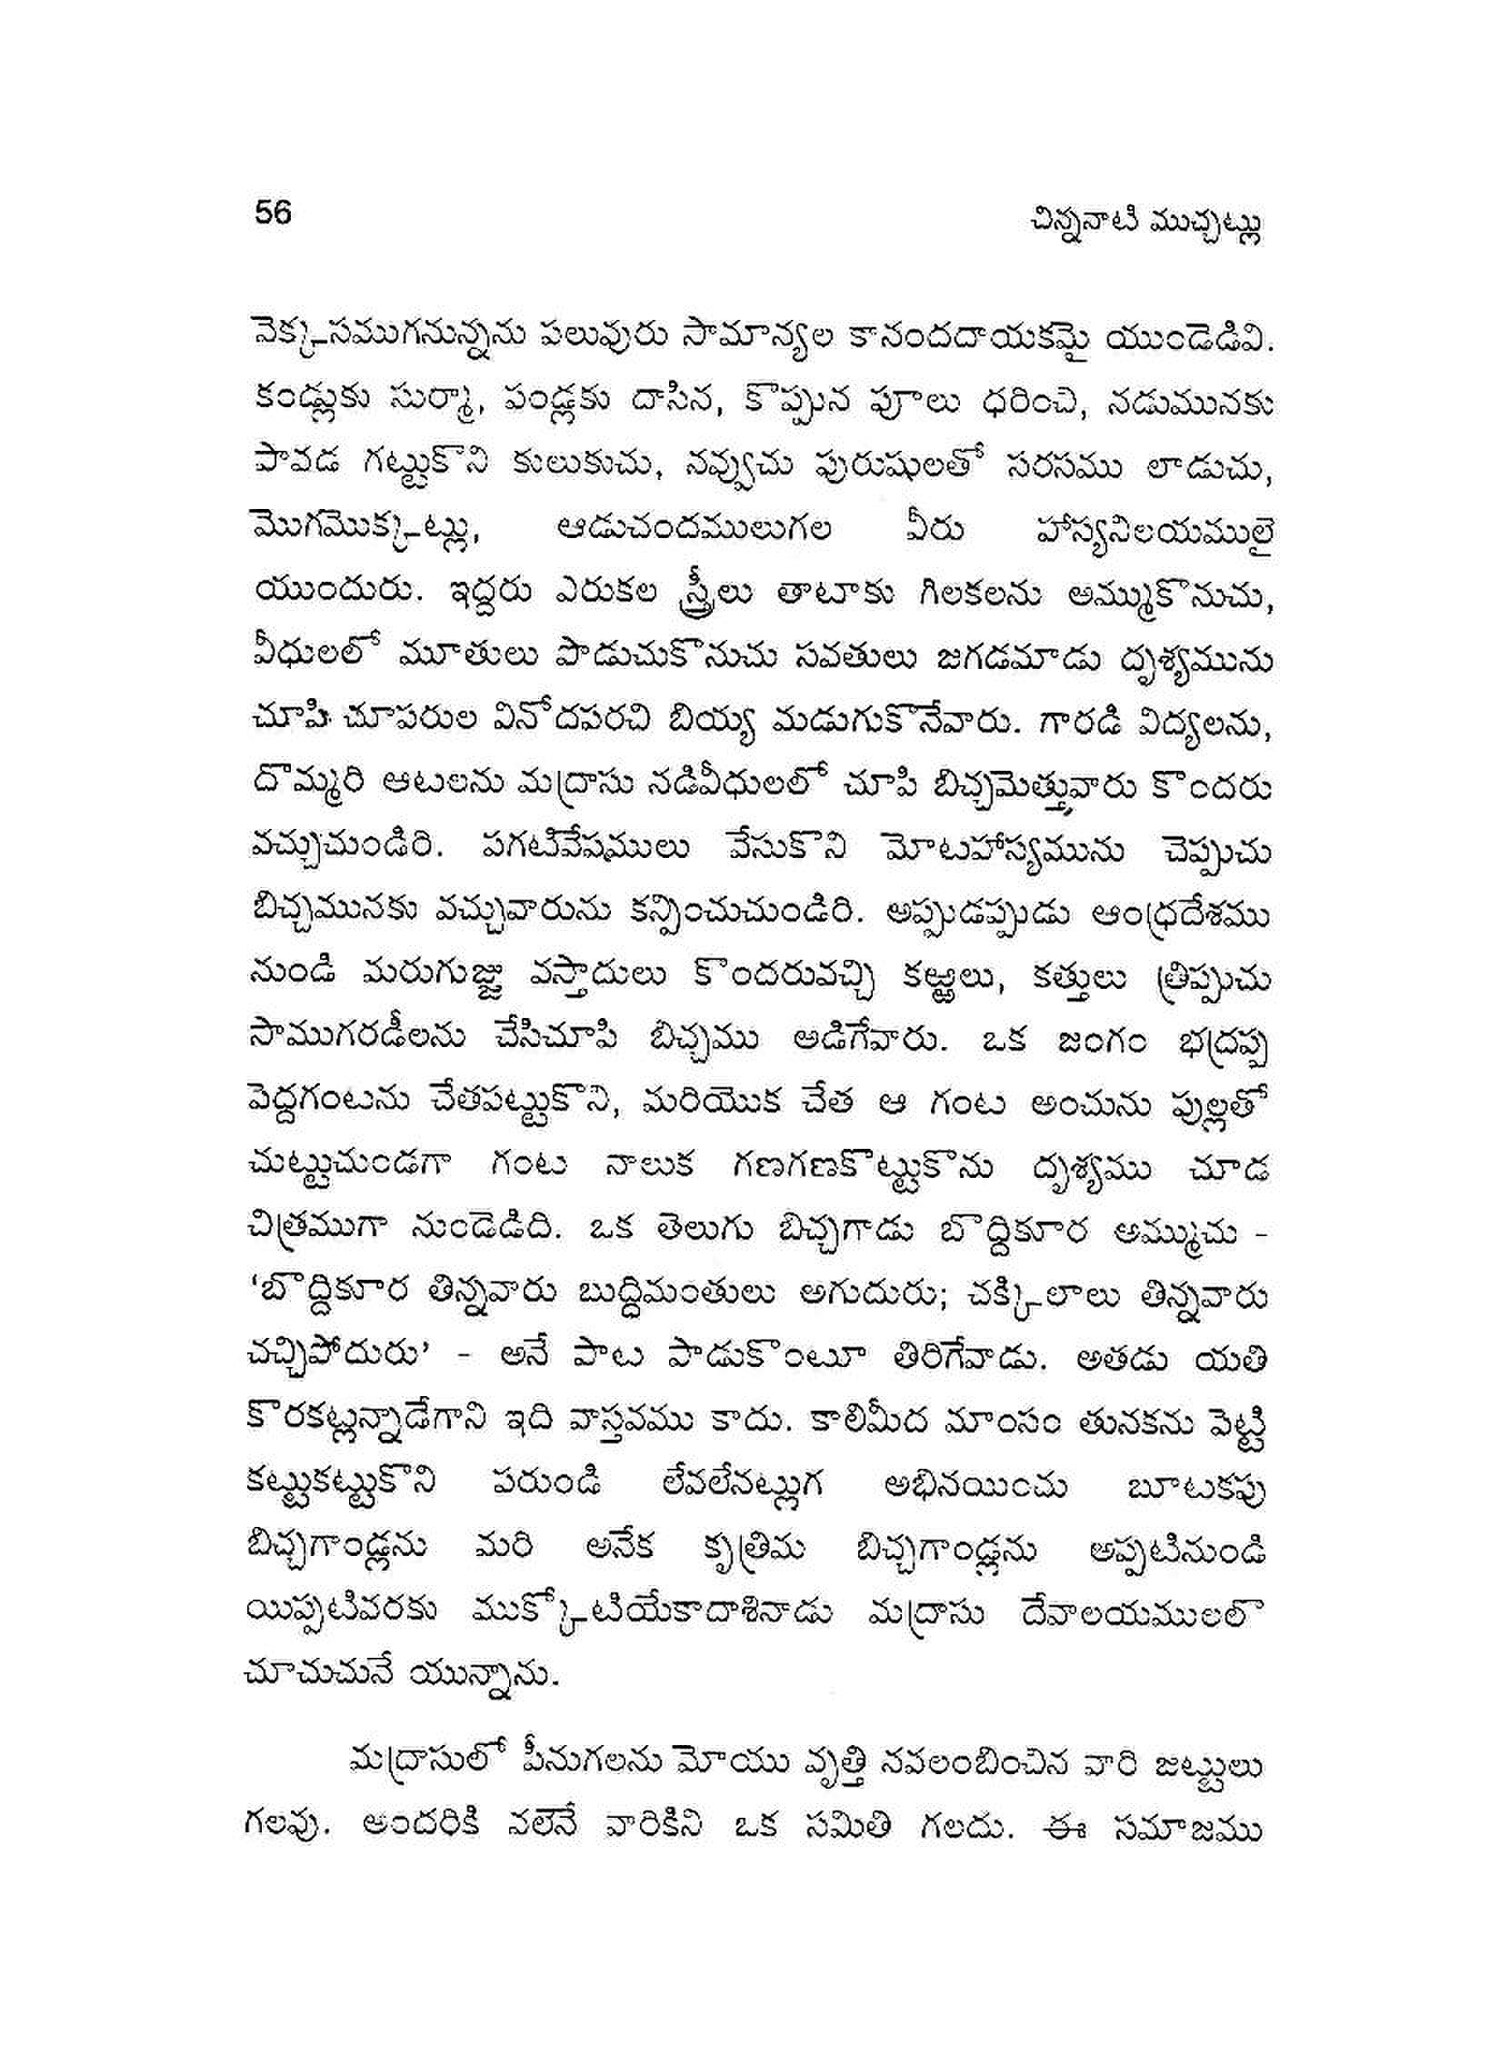వెక్కసముగనున్నను పలువురు సామాన్యల కానందదాయకమై యుండెడివి. కండ్లుకు సుర్మా, పండ్లకు దాసిన, కొప్పున పూలు ధరించి, నడుమునకు పావడ గట్టుకొని కులుకుచు, నవ్వుచు పురుషులతో సరసము లాడుచు, మొగమొక్కట్లు, ఆడుచందములుగల వీరు హాస్యనిలయములై యుందురు. ఇద్దరు ఎరుకల స్త్రీలు తాటాకు గిలకలను అమ్ముకొనుచు, వీధులలో మూతులు పొడుచుకొనుచు సవతులు జగడమాడు దృశ్యమును చూపి చూపరుల వినోదపరచి బియ్య మడుగుకొనేవారు. గారడి విద్యలను, దొమ్మరి ఆటలను మద్రాసు నడివీధులలో చూపి బిచ్చమెత్తువారు కొందరు వచ్చుచుండిరి. పగటివేషములు వేసుకొని మోటహాస్యమును చెప్పుచు బిచ్చమునకు వచ్చువారును కన్పించుచుండిరి. అప్పుడప్పుడు ఆంధ్రదేశము నుండి మరుగుజ్ఞు వస్తాదులు కొందరువచ్చి కఱ్ఱలు, కత్తులు త్రిప్పుచు సాముగరడీలను చేసిచూపి బిచ్చము అడిగేవారు. ఒక జంగం భద్రప్ప పెద్దగంటను చేతపట్టుకొని, మరియొక చేత ఆ గంట అంచును పుల్లతో చుట్టుచుండగా గంట నాలుక గణగణకొట్టుకొను దృశ్యము చూడ చిత్రముగా నుండెడిది. ఒక తెలుగు బిచ్చగాడు బొద్దికూర అమ్ముచు - "బొద్దికూర తిన్నవారు బుద్ధిమంతులు అగుదురు; చక్కిలాలు తిన్నవారు చచ్చిపోదురు" - అనే పాట పాడుకొంటూ తిరిగేవాడు. అతడు యతి కొరకట్లన్నాడేగాని ఇది వాస్తవము కాదు. కాలిమీద మాంసం తునకను పెట్టి కట్టుకట్టుకొని పరుండి లేవలేనట్లుగ అభినయించు బూటకపు బిచ్చగాండ్లను మరి అనేక కృత్రిమ బిచ్చగాండ్లను అప్పటినుండి యిప్పటివరకు ముక్కోటియేకాదాశినాడు మద్రాసు దేవాలయములలొ చూచుచునే యున్నాను.

మద్రాసులో పీనుగలను మోయు వృత్తి నవలంబించిన వారి జట్టులు గలవు. అందరికి వలెనే వారికిని ఒక సమితి గలదు. ఈ సమాజము